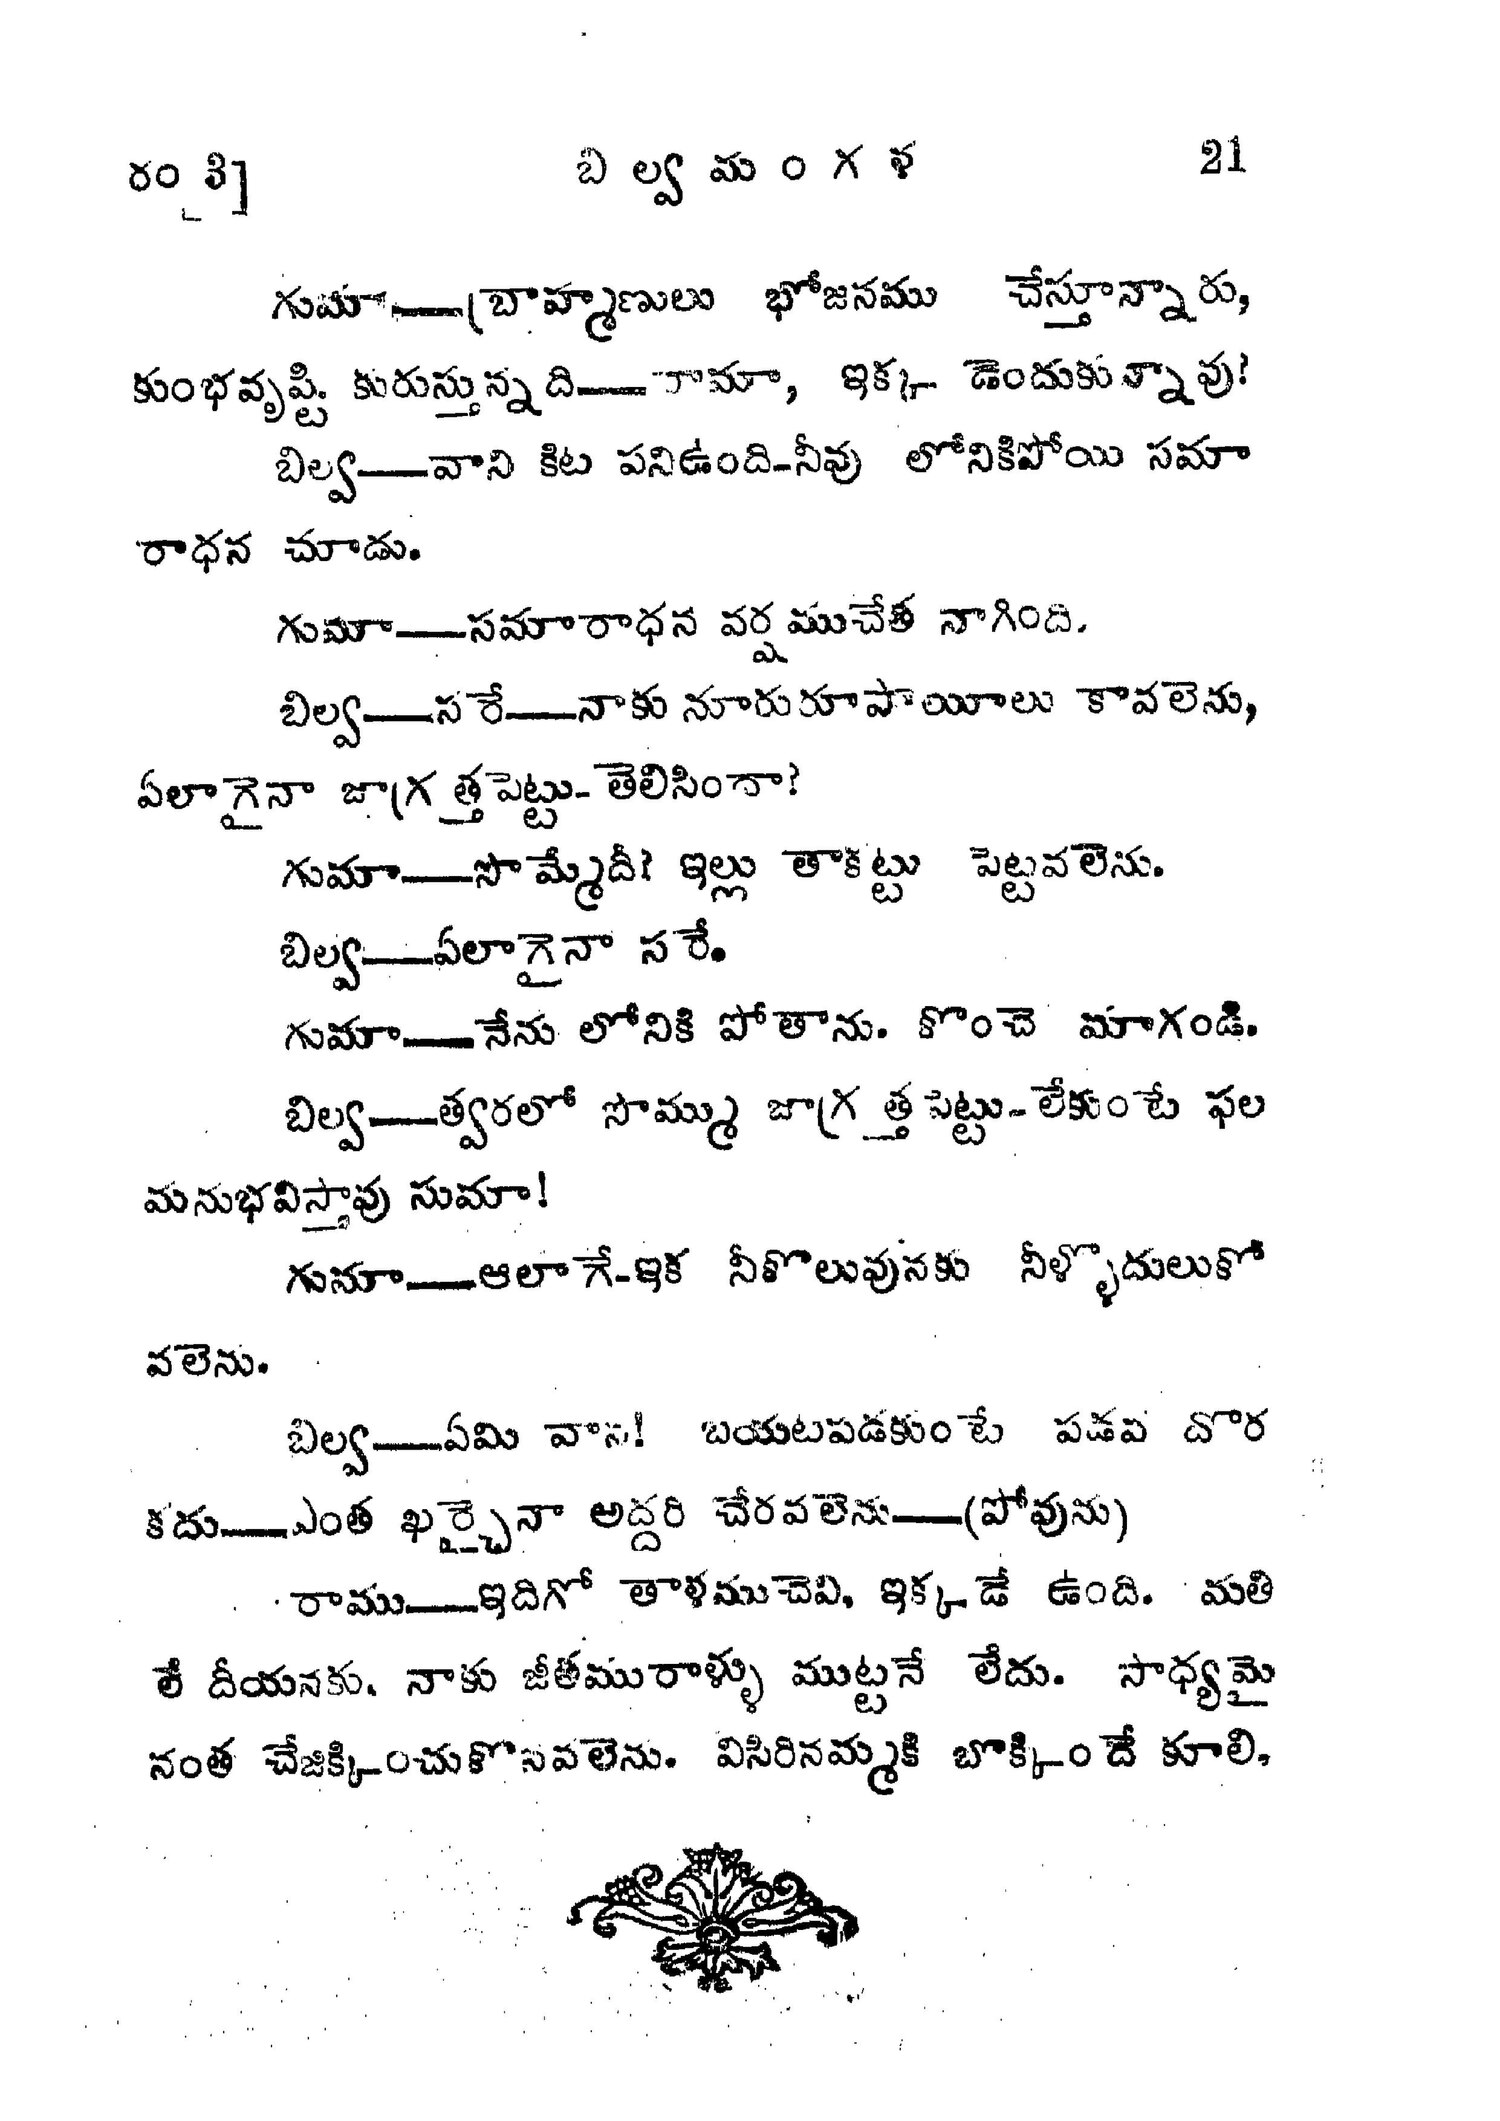గుమా - బ్రాహ్మణులు భోజనము చేస్తున్నారు, కుంభవృష్టి కురుస్తున్నది - రామా, ఇక్క డెందుకున్నావు?

బిల్వ - వాని కిట పనిఉంది - నీవు లోనికిపోయి సమారాధన చూడు.

గుమా - సమారాధన వర్షముచేత నాగింది.

బిల్వ - సరే - నాకు నూరురూపాయీలు కావలెను, ఏలాగైనా జాగ్రత్తపెట్టు - తెలిసిందా?

గుమా - సొమ్మేదీ? ఇల్లు తాకట్టు పెట్టవలెను.

బిల్వ - ఏలాగైనా సరే.

గుమా - నేను లోనికి పోతాను. కొంచె మాగండి.

బిల్వ - త్వరలో సొమ్ము జాగ్రత్తపెట్టు - లేకుంటే ఫలమనుభవిస్తావు సుమా!

గుమా - ఆలాగే - ఇక నీకొలువునకు నీళ్ళొదులుకోవలెను.

బిల్వ - ఏమి వాన! బయటపడకుంటే పడవ దొరకదు - ఎంత ఖర్చైనా అద్దరి చేరవలెను - (పోవును)

రాము - ఇదిగో తాళముచెవి. ఇక్కడే ఉంది. మతి లే దీయనకు. నాకు జీతమురాళ్ళు ముట్టనే లేదు. సాధ్యమైనంత చేజిక్కించుకొనవలెను. విసిరినమ్మకి బొక్కిందే కూలి.